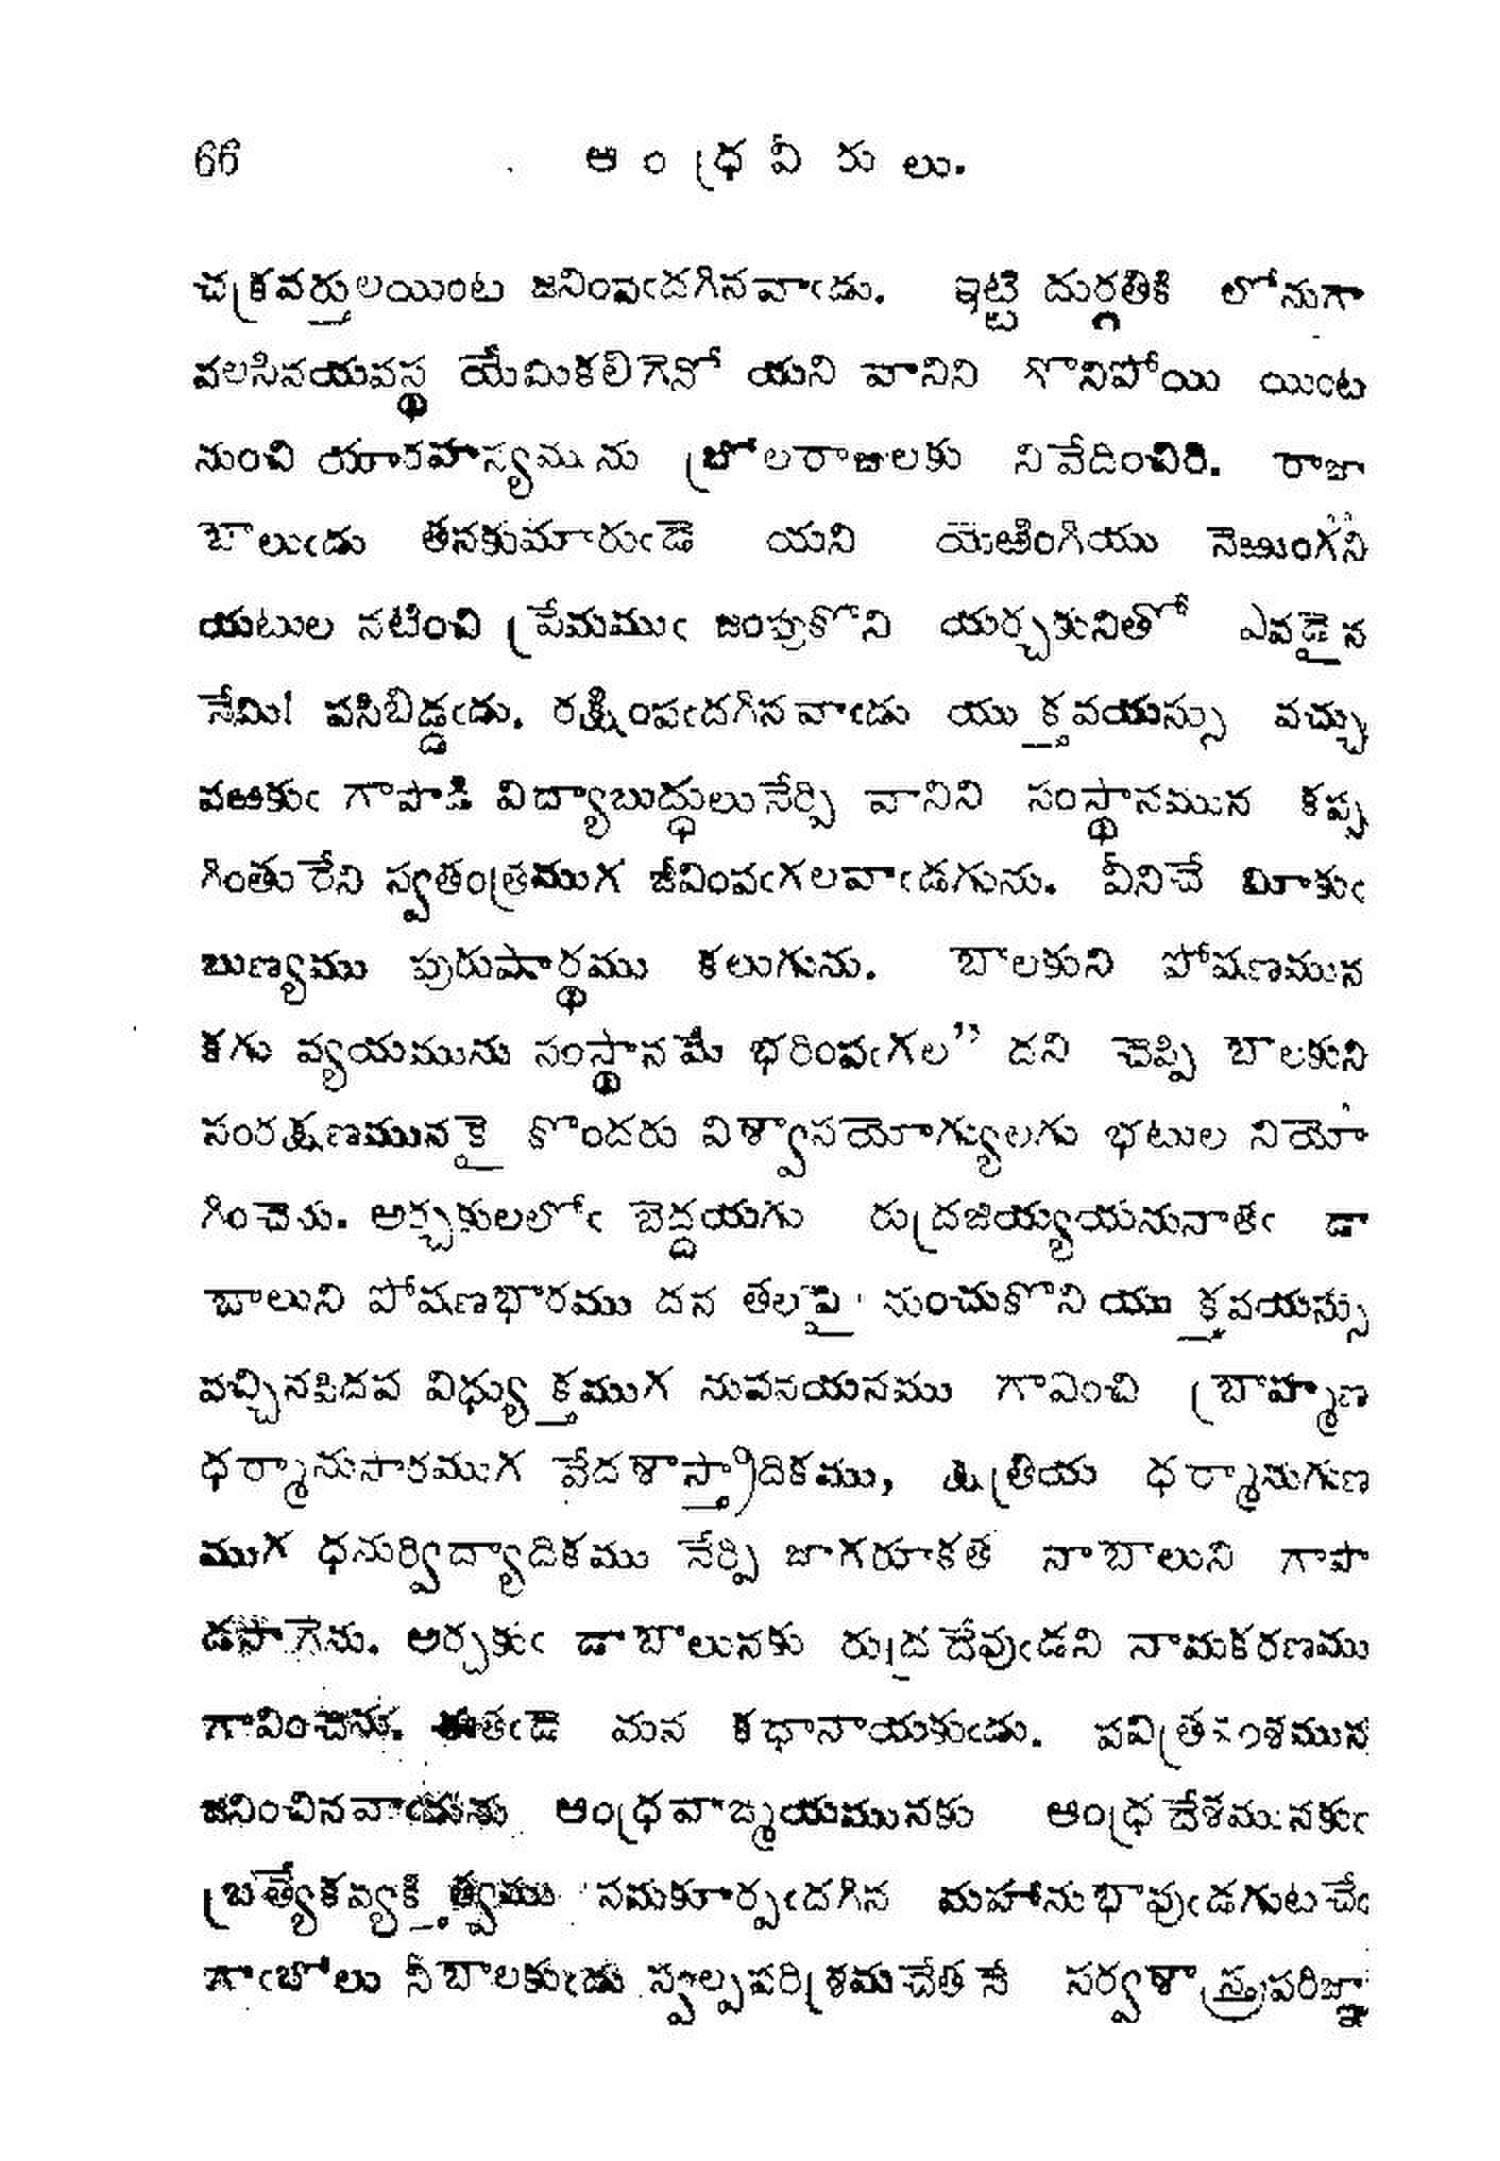చక్రవర్తులయింట జనింపదగినవాడు. ఇట్టి దుర్గతికి లోనుగావలసినయవస్థ యేమికలిగెనో యని వానిని గొనిపోయి యింట నుంఛి యారహస్యమును బ్రోలరాజులకు నివేదించిరి. రాజా బాలుడు తనకుమారుడె యని యెఱింగియు నెఱుంగని యటుల నటించి ప్రేమము జంపుకొని యర్చకునితో ఎవడైన నేమి! పసిబిడ్డడు. రక్షింపదగినవాడు యుక్తవయస్సు వచ్చు వఱకు గాపాడి విద్యాబుద్ధులునేర్పి వానిని సంస్థానమున కప్పగింతురేని స్వతంత్రముగ జీవింపగలవాడగును. వీనిచే మీకు బుణ్యము పురుషార్థము కలుగును. బాలకుని పోషణమునకగు వ్యయమును సంస్థానమే భరింపగల"దని చెప్పి బాలకుని సంరక్షణమునకై కొందరు విశ్వాసయోగ్యులగు భటుల నియోగించెను. అర్చకులలో బెద్దయగు రుద్రజియ్యయనునాత డా బాలుని పోషణభారము దన తలపై నుంచుకొని యుక్తవయస్సు వచ్చినపిదప విధ్యుక్తముగ నుపనయనము గావించి బ్రాహ్మణ ధర్మానుసారముగ వేదశాస్త్రాదికము, క్షత్రియ ధర్మానుగుణముగ ధనుర్విద్యాదికము నేర్పి జాగరూకత నాబాలుని గాపాడసాగెను. అర్చకు డా బాలునకు రుద్రదేవుడని నామకరణము గావించెను. ఈతడె మన కథానాయకుడు. పవిత్రవంశమున జనించినవాయను ఆంధ్రవాజ్మయమునకు ఆంధ్రదేశమునకు బ్రత్యేకవ్యక్తిత్వము సమకూర్పదగిన మహానుభావుడగుటచే గాబోలు నీబాలకుడు స్వల్పపరిశ్రమచేతనే సర్వశాస్త్రపరిజ్ఞా